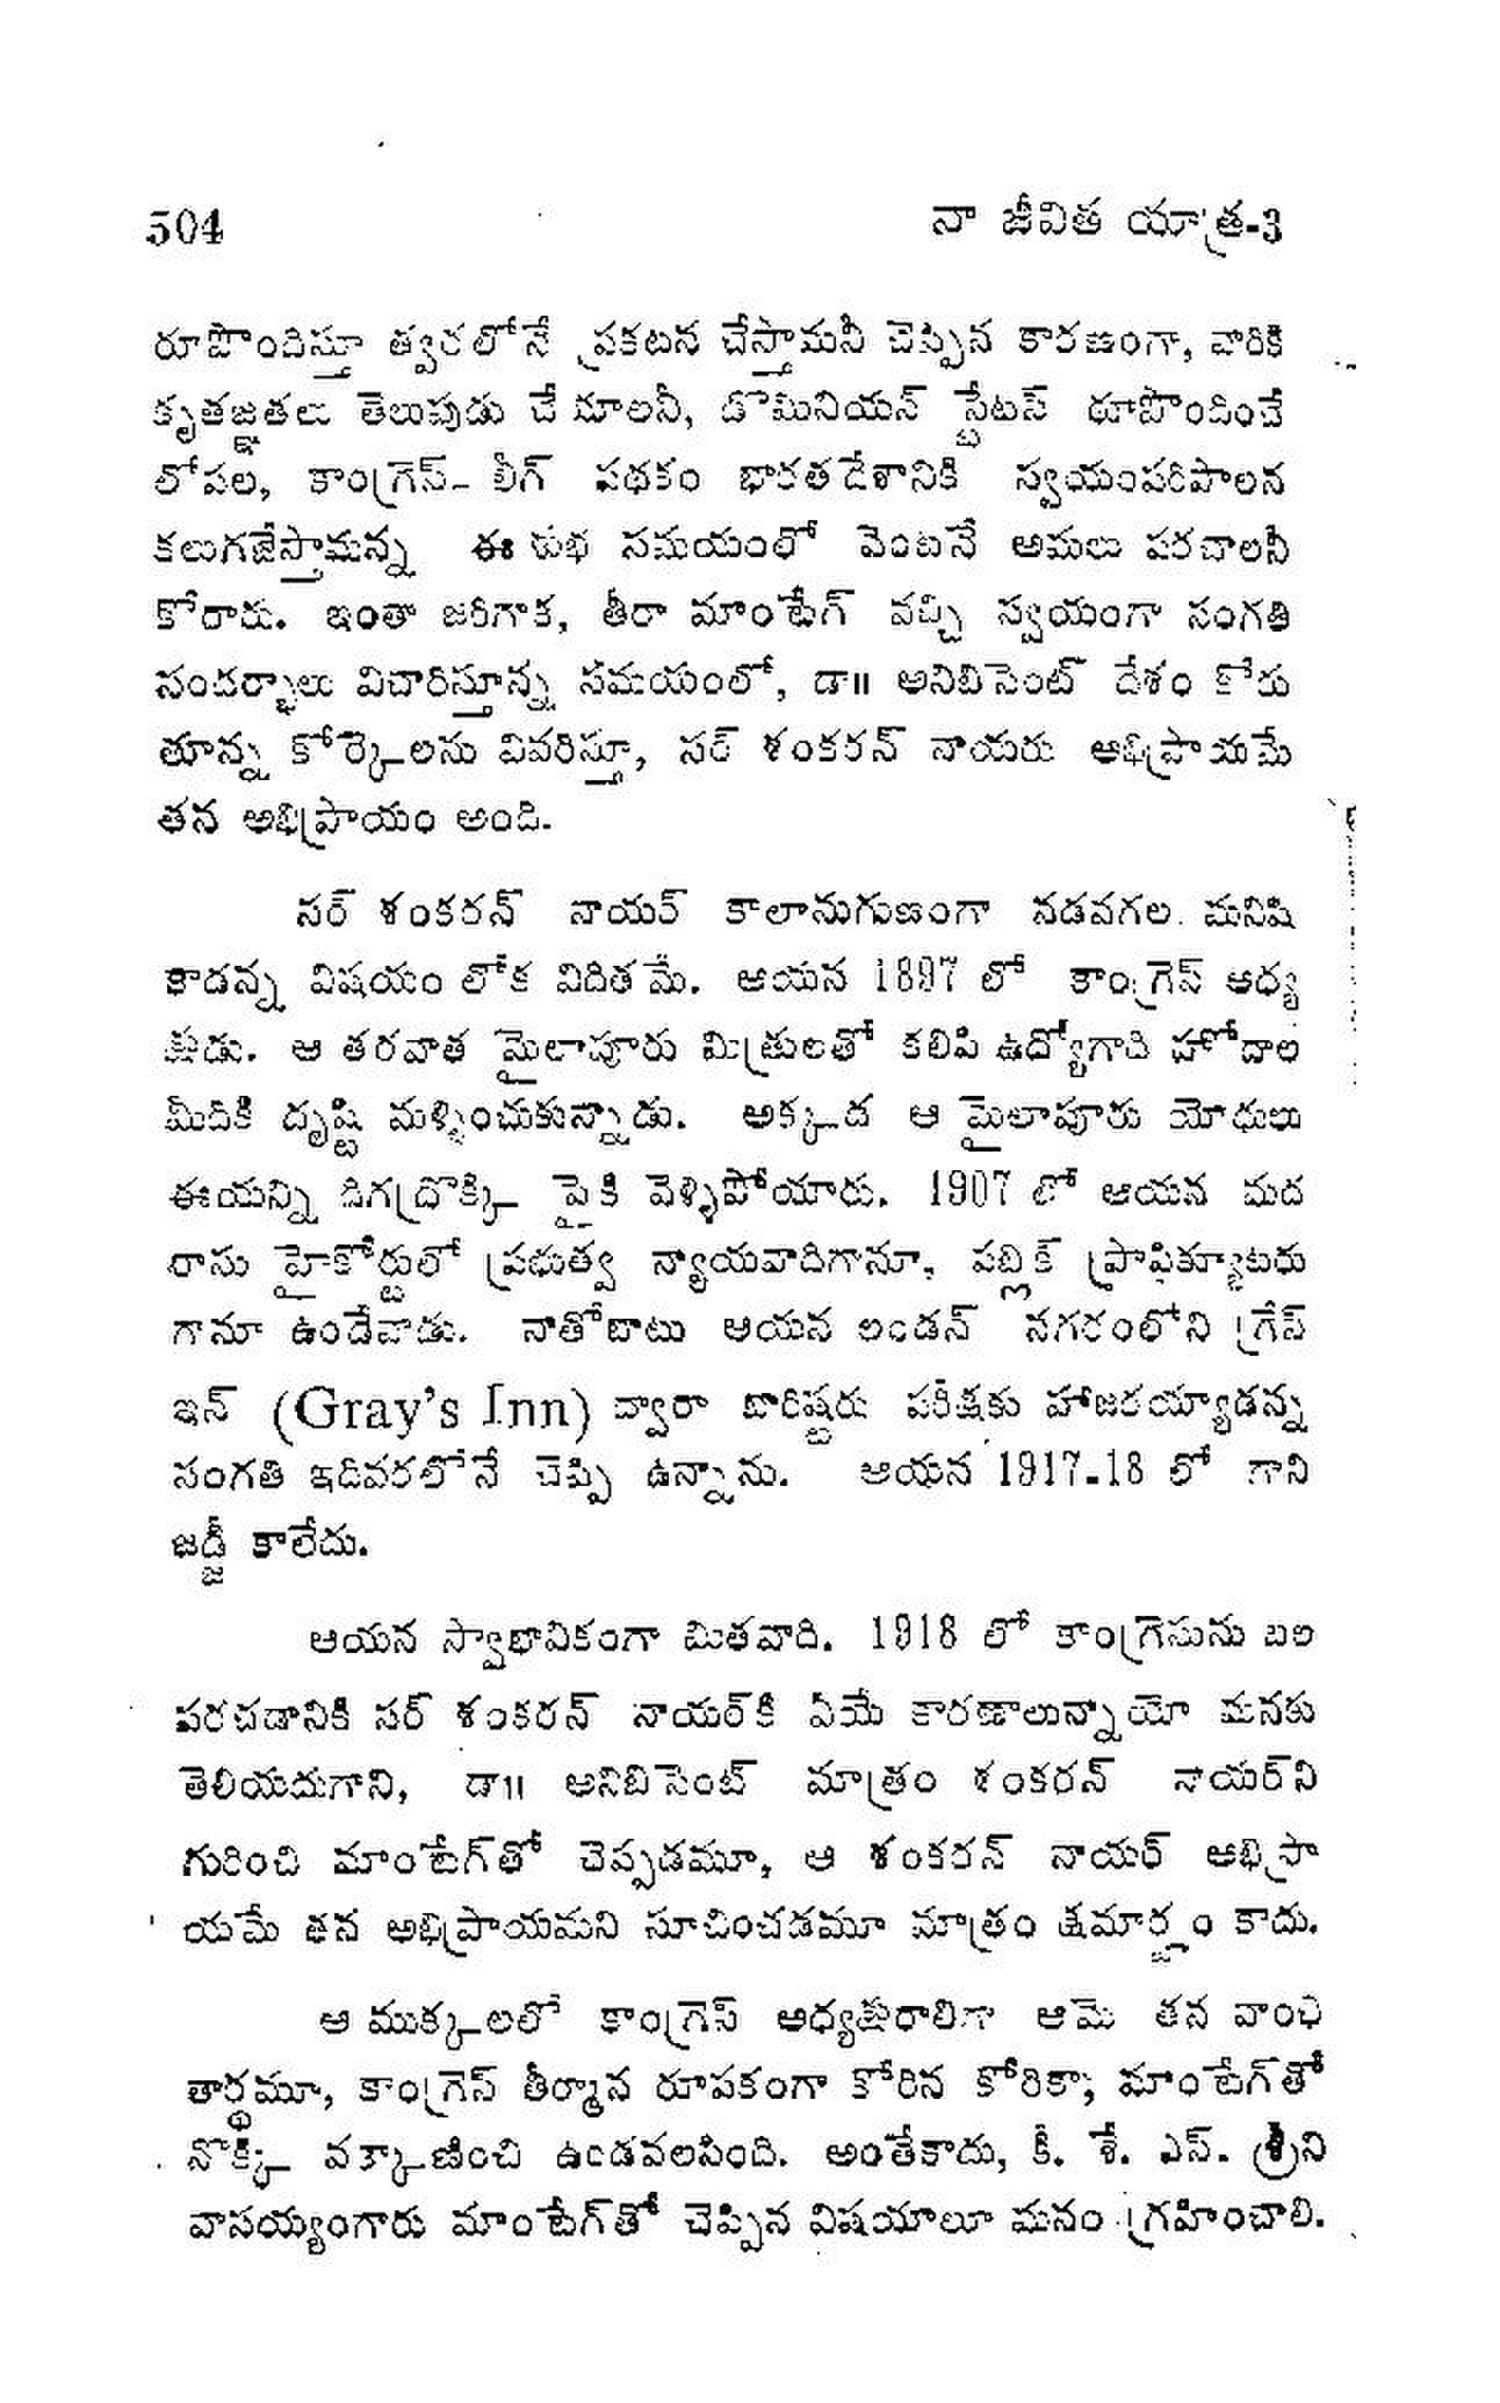రూపొందిస్తూ త్వరలోనే ప్రకటన చేస్తామనీ చెప్పిన కారణంగా, వారికి కృతజ్ఞతలు తెలుపుడు చేయాలనీ, డొమినియన్ స్టేటస్ రూపొందించే లోపల, కాంగ్రెస్ - లీగ్ పథకం భారతదేశానికి స్వయంపరిపాలన కలుగజేస్తామన్న ఈ శుభ సమయంలో వెంటనే అమలు పరచాలనీ కోరారు. ఇంతా జరిగాక, తీరా మాంటేగ్ వచ్చి స్వయంగా సంగతి సందర్భాలు విచారిస్తున్న సమయంలో, డా॥ అనిబిసెంట్ దేశం కోరుతూన్న కోర్కెలను వివరిస్తూ, సర్ శంకరన్ నాయరు అభిప్రాయమే తన అభిప్రాయం అంది.

సర్ శంకరన్ నాయర్ కాలానుగుణంగా నడవగల మనిషి కాడన్న విషయం లోక విదితమే. ఆయన 1897 లో కాంగ్రెస్ అధ్యక్షుడు. ఆ తరవాత మైలాపూరు మిత్రులతో కలిసి ఉద్యోగాది హోదాల మీదికి దృష్టి మళ్ళించుకున్నాడు. అక్కడ ఆ మైలాపూరు యోధులు ఈయన్ని దిగద్రొక్కి పైకి వెళ్ళిపోయారు. 1907 లో ఆయన మదరాసు హైకోర్టులో ప్రభుత్వ న్యాయవాది గానూ, పబ్లిక్ ప్రాసిక్యూటరుగానూ ఉండేవాడు. నాతోబాటు ఆయన లండన్ నగరంలోని గ్రేస్ ఇన్ (Gray's Inn) ద్వారా బారిష్టరు పరీక్షకు హాజరయ్యాడన్న సంగతి ఇదివరలోనే చెప్పి ఉన్నాను. ఆయన 1917 - 18 లో గాని జడ్జీ కాలేదు.

ఆయన స్వాభావికంగా మితవాది. 1918 లో కాంగ్రెసును బలపరచడానికి సర్ శంకరన్ నాయర్‌కి ఏయే కారణాలున్నయో మనకు తెలియదుగాని, డా॥ అనిబిసెంట్ మాత్రం శంకరన్ నాయర్‌ని గురించి మాంటేగ్‌తో చెప్పడమూ, ఆ శంకరన్ నాయర్ అభిప్రాయమే తన అభిప్రాయమని సూచించడమూ మాత్రం క్షమార్హం కాదు.

ఆ ముక్కలలో కాంగ్రెస్ అధ్యక్షురాలిగా ఆమె తన వాంఛితార్థమూ, కాంగ్రెస్ తీర్మాన రూపకంగా కోరిన కోరికా, మాంటేగ్‌తో నొక్కి వక్కాణించి ఉండవలసింది. అంతేకాదు, కీ. శే. ఎస్. శ్రీనివాసయ్యంగారు మాంటేగ్‌తో చెప్పిన విషయాలు మనం గ్రహించాలి.